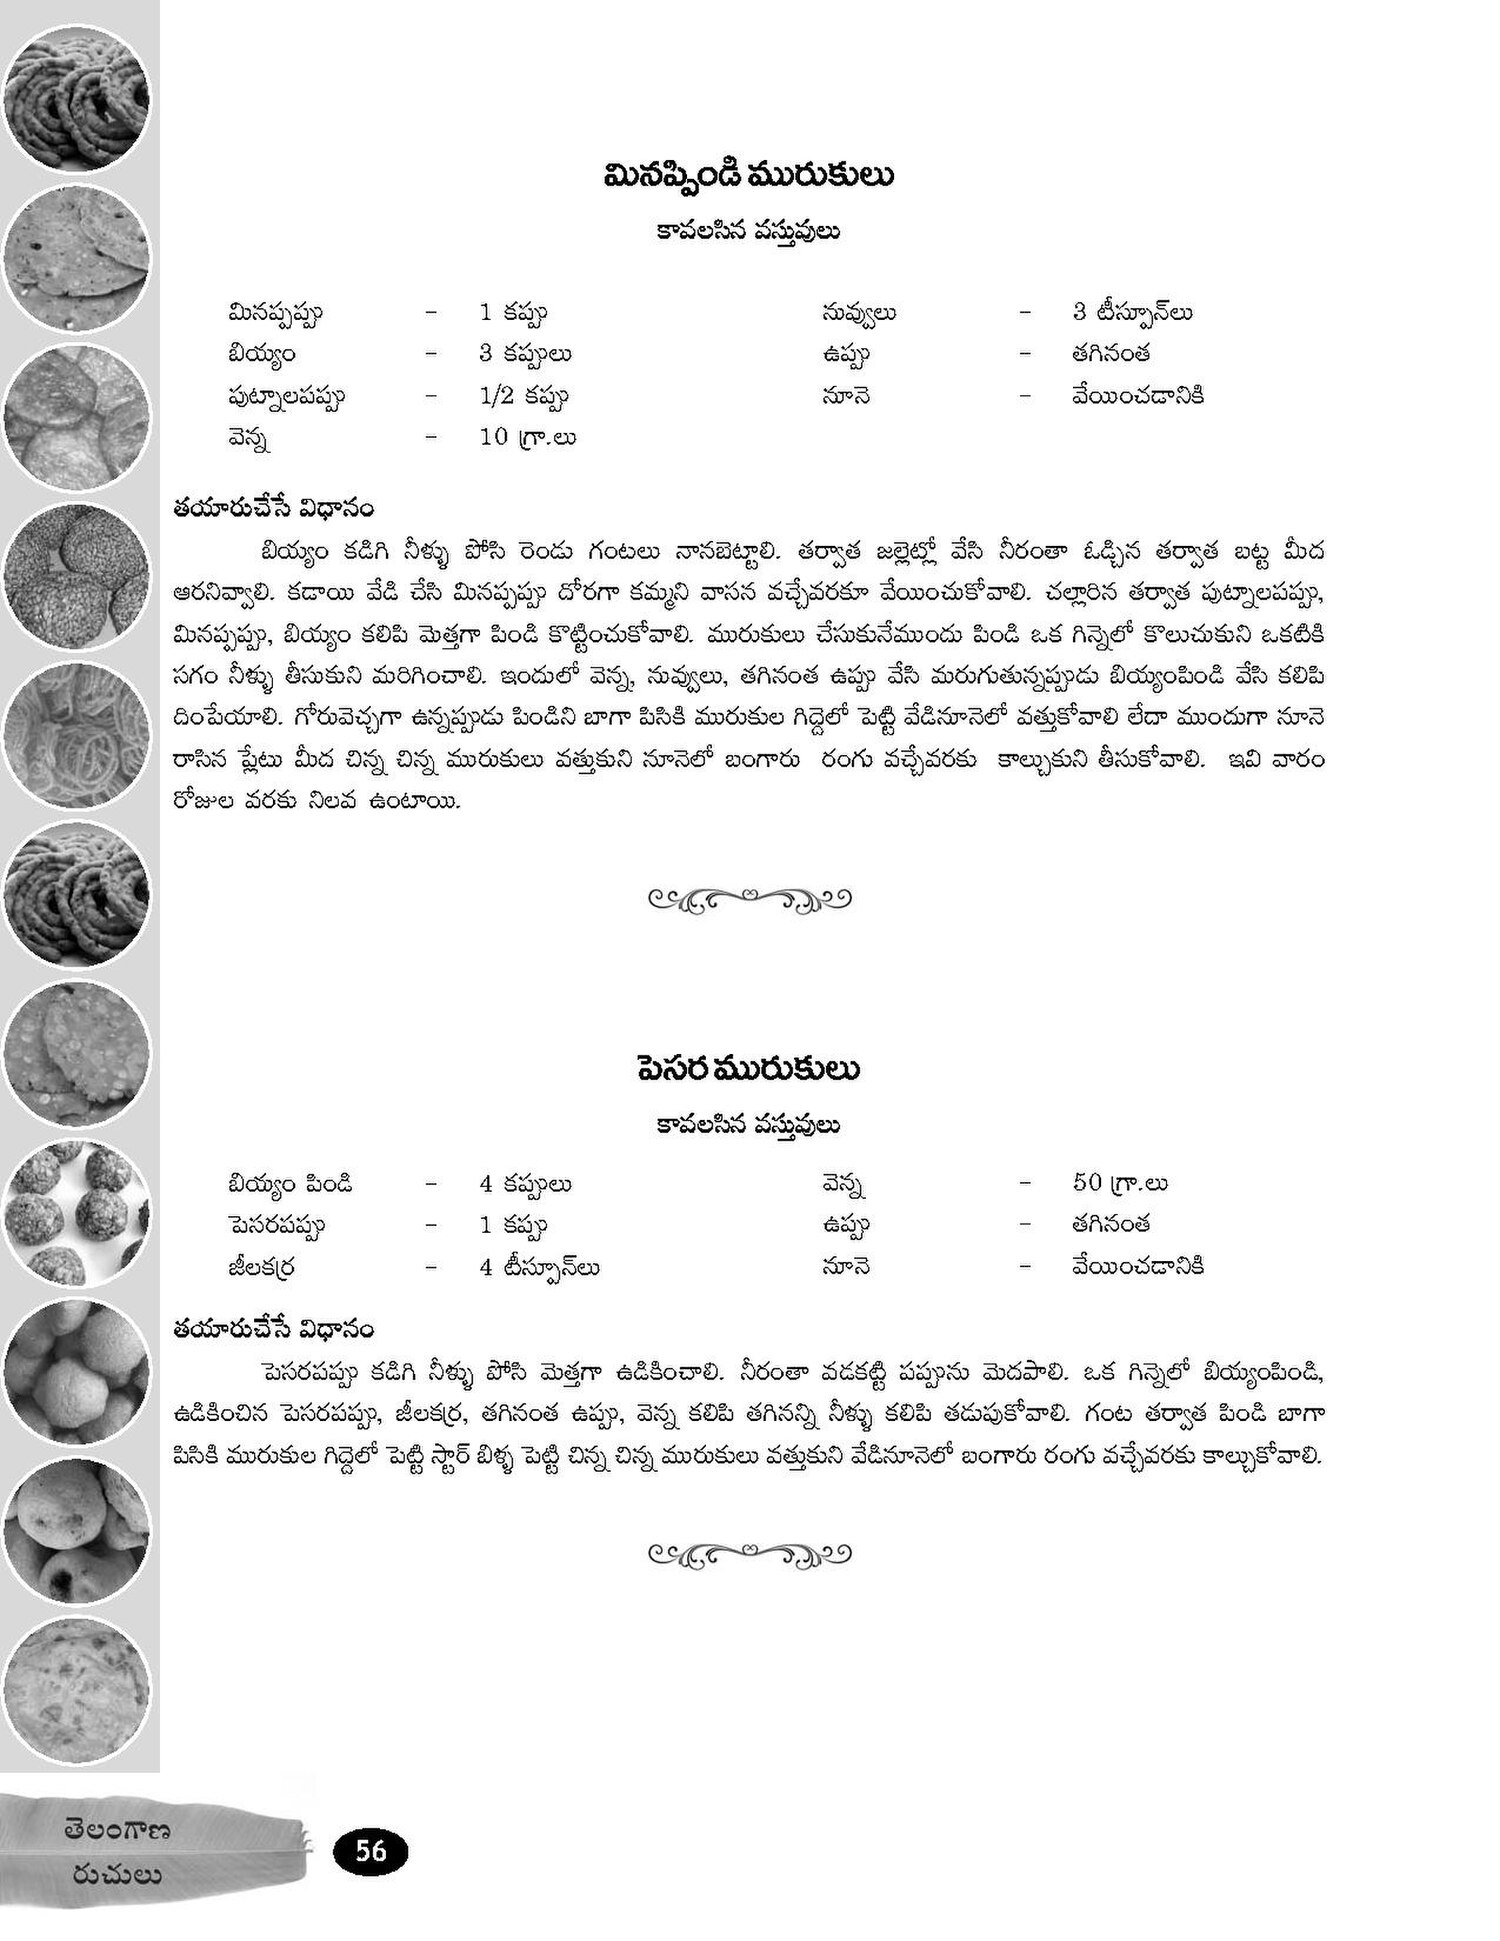+ కావలసిన వస్తువులు బియ్యం 3 కప్పులు. పుట్నాలపప్పు 1/2 కప్పు మినప్పప్పు 1 కప్పు ఉప్పు తగినంతనువ్వులు 3 టీస్పూన్లు నూనె వేయించడానికి.వెన్న 10 గ్రా.లు.

తయారుచేసే విధానం 

బియ్యం కడిగి నీళ్ళు పోసి రెండు గంటలు నానబెట్టాలి. తర్వాత జల్లెట్లో వేసి నీరంతా ఓడ్చిన తర్వాత బట్ట మీద
ఆరనివ్వాలి. కడాయి వేడి చేసి మినప్పప్పు దోరగా కమ్మని వాసన వచ్చేవరకూ వేయించుకోవాలి. చల్లారిన తర్వాత పుట్నాలపప్పు, మినప్పప్పు, బియ్యం కలిపి మెత్తగా పిండి కొట్టించుకోవాలి. మురుకులు చేసుకునేముందు పిండి ఒక గిన్నెలో కొలుచుకుని ఒకటికి సగం నీళ్ళు తీసుకుని మరిగించాలి. ఇందులో వెన్న, నువ్వులు, తగినంత ఉప్పు వేసి మరుగుతున్నప్పుడు బియ్యంపిండి వేసి కలిపి దింపేయాలి. గోరువెచ్చగా ఉన్నప్పుడు పిండిని బాగా పిసికి మురుకుల గిద్దెలో పెట్టి వేడినూనెలో వత్తుకోవాలి లేదా ముందుగా నూనె రాసిన ప్లేటు మీద చిన్న చిన్న మురుకులు వత్తుకుని నూనెలో బంగారు రంగు వచ్చేవరకు కాల్చుకుని తీసుకోవాలి. ఇవి వారం రోజుల వరకు నిలవ ఉంటాయి.

+ కావలసిన వస్తువులు బియ్యం పిండి 3 కప్పులు. వెన్న 50 గ్రా.లు. పెసర పప్పు 1 కప్పు జీలకర్ర 4 టీస్పూన్ లు ఉప్పు తగినంత నూనె వేయించడానికి

తయారుచేసే విధానం 

పెసరపప్పు కడిగి నీళ్ళు పోసి మెత్తగా ఉడికించాలి. నీరంతా వడకట్టి పప్పును మెదపాలి. ఒక గిన్నెలో బియ్యంపిండి,
ఉడికించిన పెసరపప్పు, జీలకర్ర, తగినంత ఉప్పు, వెన్న కలిపి తగినన్ని నీళ్ళు కలిపి తడుపుకోవాలి. గంట తర్వాత పిండి బాగా పిసికి మురుకుల గిద్దెలో పెట్టి స్టార్ బిళ్ళ పెట్టి చిన్న చిన్న మురుకులు వత్తుకుని వేడినూనెలో బంగారు రంగు వచ్చేవరకు కాల్చుకోవాలి.